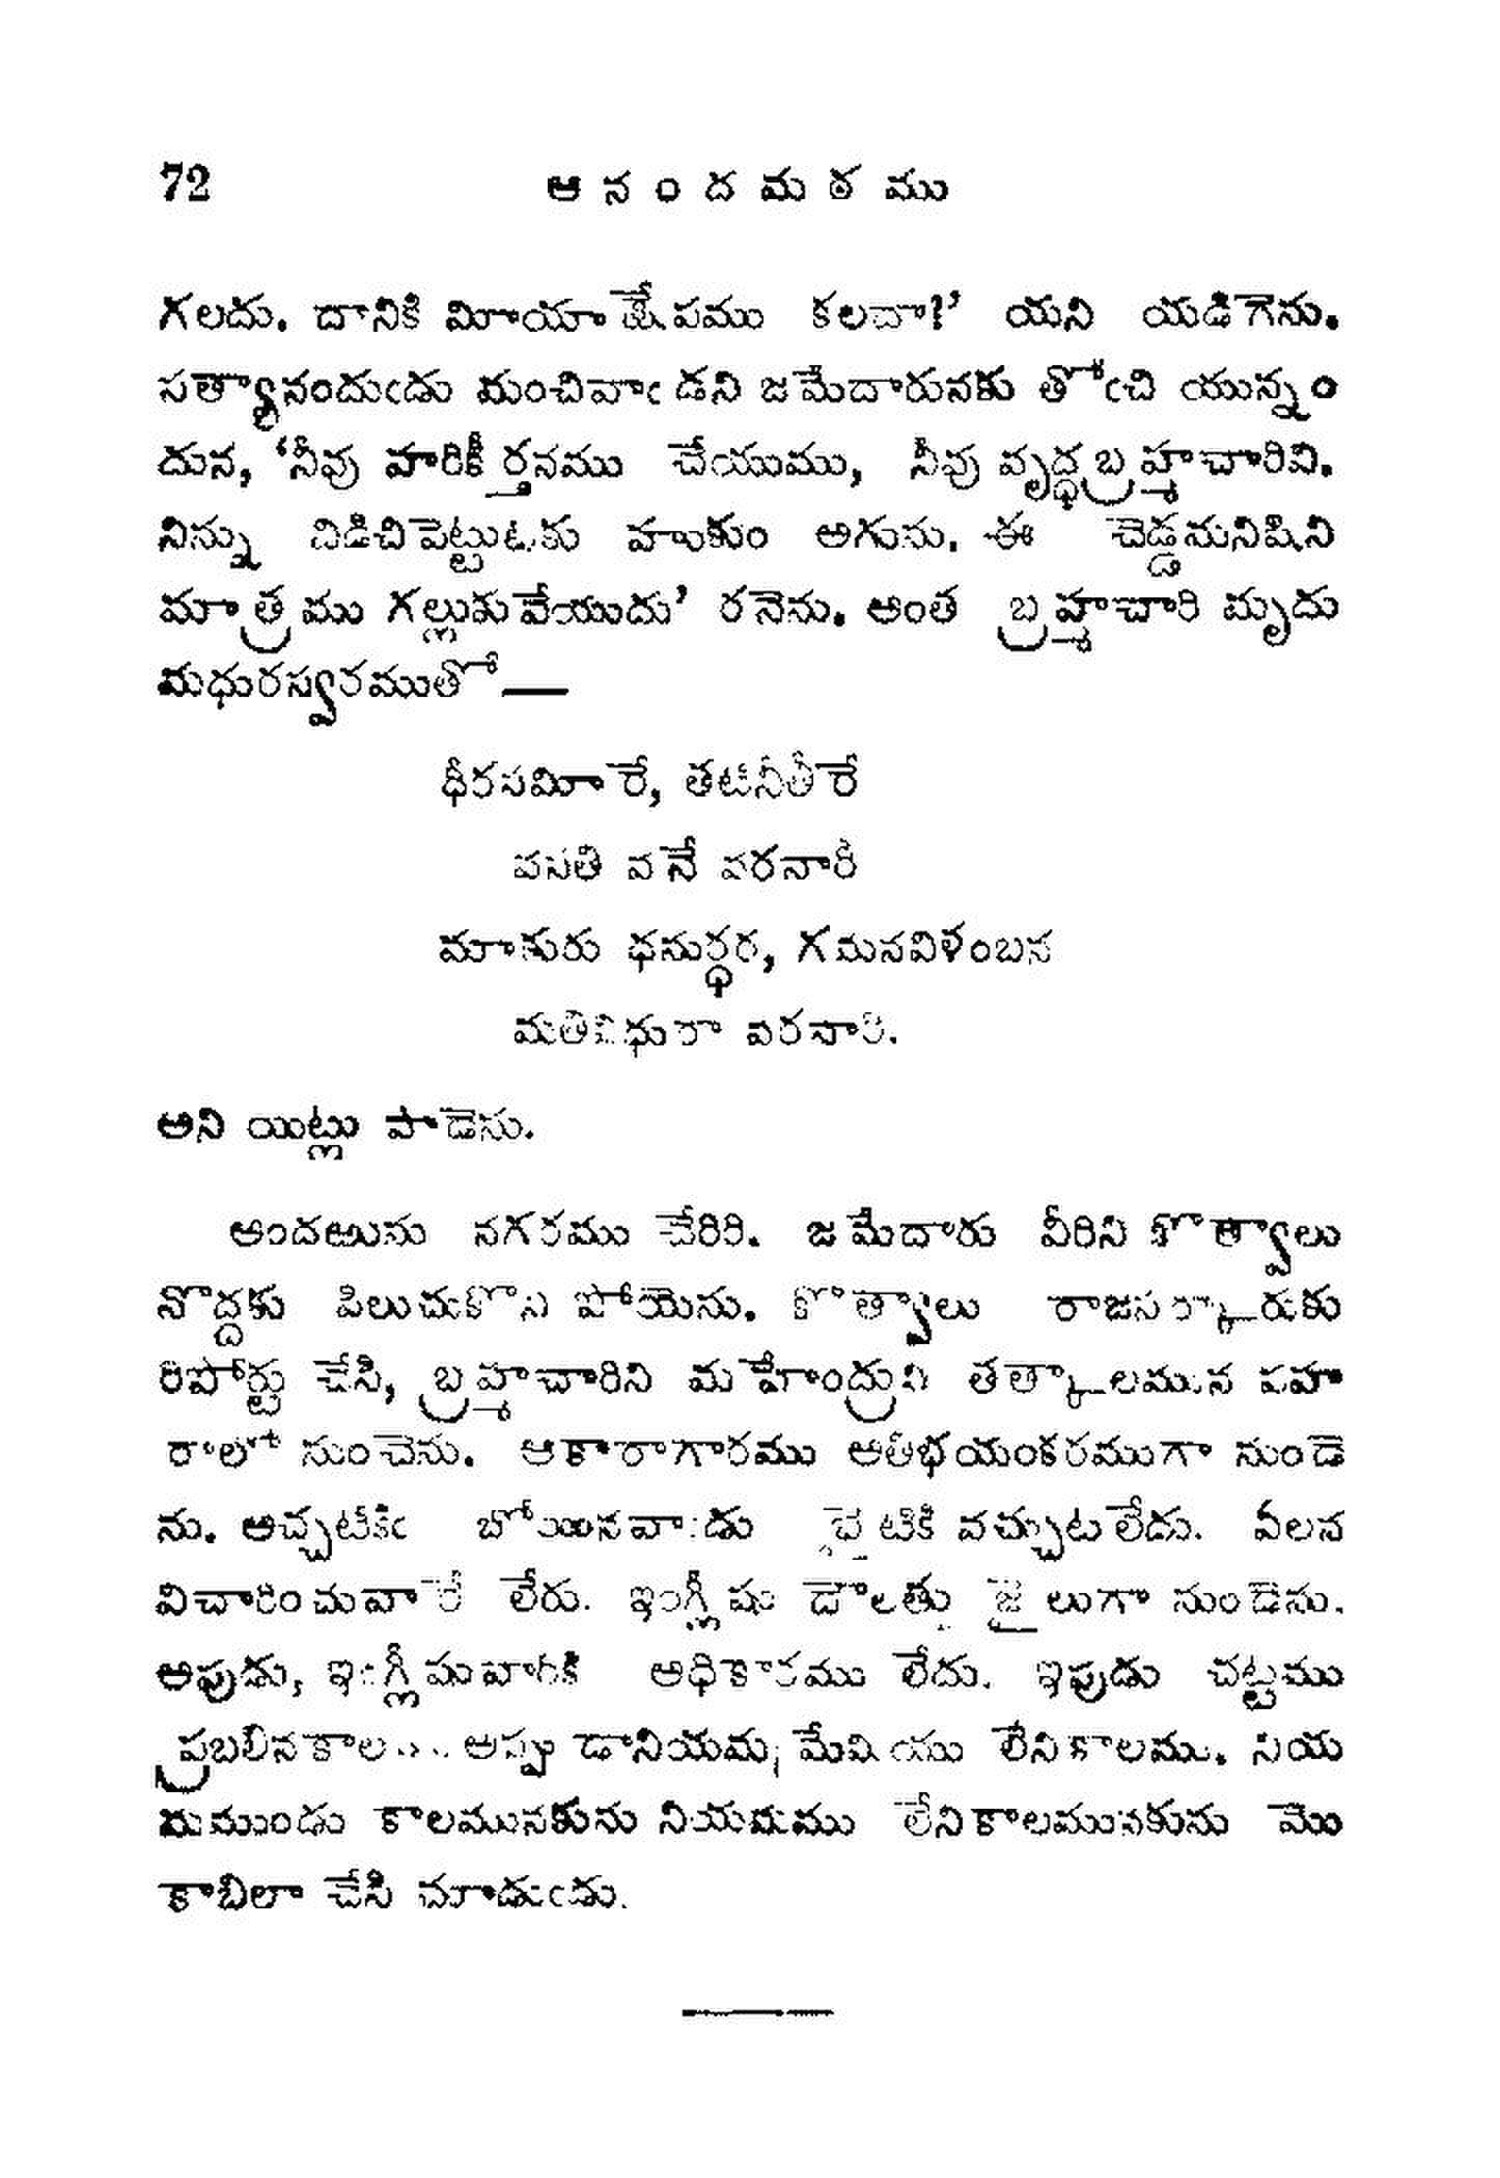గలదు. దానికి మియాక్షేపము కలదా?' యని యడిగెను. సత్యానందుఁడు మంచివాఁడని జమేదారునకు తోఁచి యున్నందున, 'నీవు హరికీర్తనము చేయుము, నీవు వృద్ధ బ్రహచారివి. నిన్ను విడిచి పెట్టుటకు హుకుం అగును. ఈ చెడ్డనునిషిని మాత్రము గల్లుకు వేయుదు' రనెను. అంత బ్రహచారి మృదు మధురస్వరముతో——

ధీరసమీ, తటినీతీరే
 వసతి వనే వరనారీ
మాకురు ధనుర్ధర, గమనవిళంబన
 మతివిధురా వరనారి,

అని యిట్లు పాడెను.

అందఱును నగరము చేరిరి, జమేదారు. వీరిని కొత్వాలు నొద్దకు పిలుచుకొని పోయెను. కొత్వాలు రాజసర్కారుకు రిపోర్టు చేసి,బ్రహ్మచారిని మహేంద్రుని తత్కాలమున పహరాలో" నుంచెను. ఆకారాగారము అతిభయంకరముగా నుండెను. అచ్చటికిఁ బోయినవాడు బైటికి వచ్చుట లేదు. ఏలన విచారించువారే లేరు. ఇంగ్లీషు దౌలతు జైలుగా నుండెను, అపుడు, ఇంగ్లీషు వారికి అధికారము లేదు. ఇపుడు చట్టము
ప్రబలిన కాలము అప్పు డానియమ, మేమియు లేని కాలము, నియమముండు కాలమునకును నియమము లేని కాలమునకును మొ
కాబిలా చేసి చూడుఁడు.